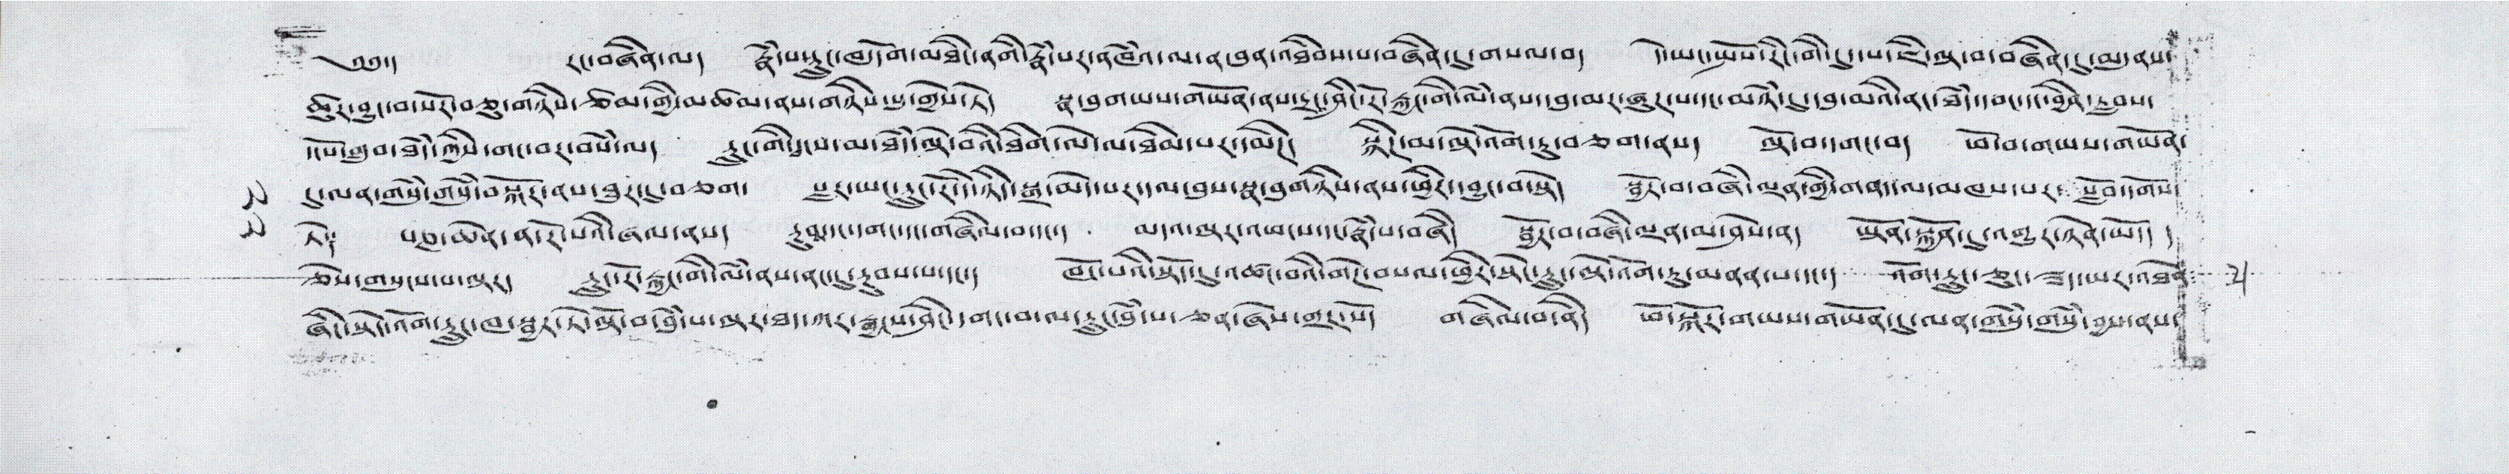རང་བཞིན་ལ། རྣམ་པ་རླུང་ཁ་དོག་མཐིང་ནག་གི་རྣམ་པར་ནམ་མཁའ་ལ་ན་བུན་འཐིབས་པ་བཞིན་དུ་གསལ་བ། དེ་ཡང་སྤོས་རིང་གི་དུད་པ་ཇི་ལྟ་བ་བཞིན་མདུན་ནས་
ཚུར་བྱུང་བ་སོར་བཅུ་གཉིས་ཙམ་གྱི་མཚམས་ནས་གཉིས་སུ་གྱེས་ཏེ། སྣ་བུག་གཡས་གཡོན་ནས་དྲངས་ཤིང་རོ་རྐྱང་གི་ལམ་ནས་དབུ་མར་ཞུགས་པ་དང་མཉམ་དུ་དབུ་མའི་ནང་ཐམས་ཅད་དབང་དང་བྱིན་རླབས་
དངོས་གྲུབ་ཐམས་ཅད་ཀྱིས་གང་བར་བསམ་ལ། རླུང་གི་དྭངས་མ་ཐམས་ཅད་ལྟེ་བའི་ཐིག་ལེ་ལ་ཐིམ་པར་དམིགས། སྙིགས་མ་ལྟེ་འོག་ཏུ་བཅག་ནས་ལྟོ་བ་དགང་བ། ཕོ་བ་གཡས་གཡོན་
དུ་ལན་གསུམ་གསུམ་བསྐོར་ནས་ཐུར་དུ་བཅག སླར་ཡང་རླུང་རོ་དེ་ཉིད་སྒྲ་མེད་པར་དལ་བུས་སྣ་བུག་གཉིས་ནས་ཕྱིར་དབྱུང་བ་སྟེ། སྦྱོར་བ་བཞི་ལྡན་གྱི་གནད་ལ་མཁས་པར། སློབ་དགོས་
ཏེ། པཎ་ཆེན་ན་རོ་པའི་ཞལ་ནས། རྔུབ་དང་དགང་དང་གཞིལ་བ་དང་། མདའ་ལྟར་འཕངས་དང་རྣམ་པ་བཞི། སྦྱོར་བ་བཞི་ལྡན་མ་ཤེས་ན། ཡོན་ཏན་སྐྱོན་དུ་འགྱུར་ཉེན་ཡོད། 
ཅེས་གསུངས་པ་ལྟར། རླུང་རོ་རྐྱང་གི་ལམ་ནས་ནང་དུ་རྔུབ་པ་དང་། ཁོང་པའི་སྟོད་དུ་འཚང་བའི་གེགས་བསལ་ཕྱིར་སྟེང་རླུང་ལྟེ་འོག་ཏུ་མནན་པ་དང་། འོག་རླུང་ཅུང་ཟད་ཡར་འཐེན་
ཞིང་སྟེང་འོག་རླུང་ཁ་སྦྱར་ཏེ་ལྟོ་བ་བུམ་པ་ལྟར་ཐད་ཀར་སྦྱངས་ཤིང་དགང་བ་ལ་རླུང་བུམ་པ་ཅན་ཞེས་གྲགས་སོ། །གཞིལ་བ་ནི། ཕོ་སྐོར་གཡས་གཡོན་དུ་ལན་གསུམ་གསུམ་བྱས་ནས་